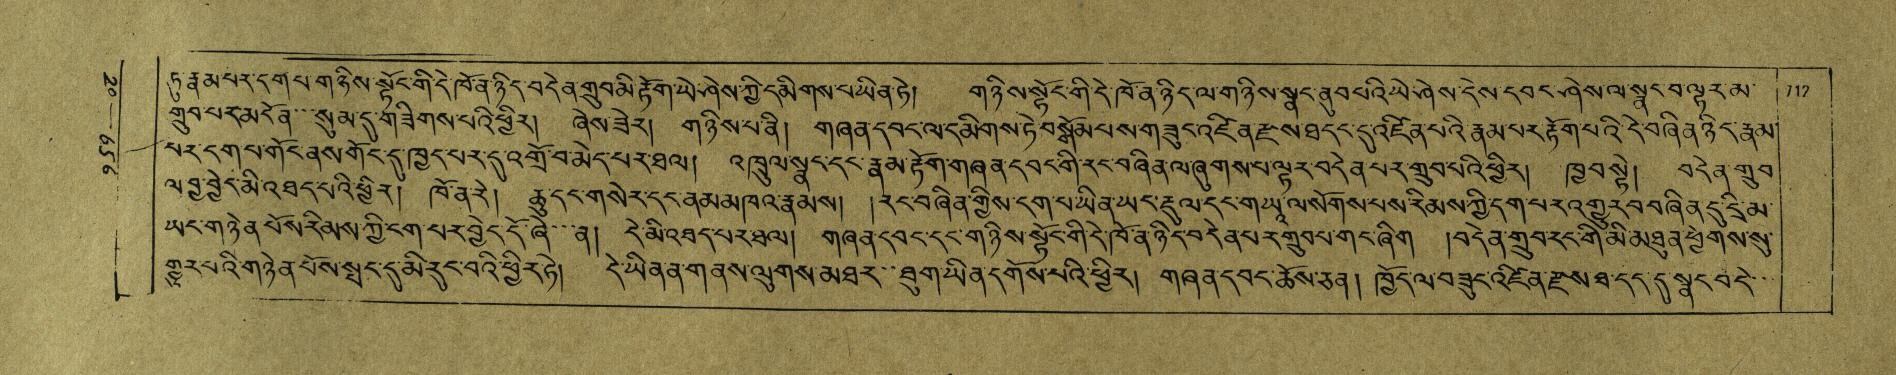ཏུ་རྣམ་པར་དག་པ་གཉིས་སྟོང་གི་དེ་ཁོ་ན་ཉིད་བདེན་གྲུབ་མི་རྟོག་ཡེ་ཤེས་ཀྱི་དམིགས་པ་ཡིན་ཏེ། གཉིས་སྟོང་གི་དེ་ཁོ་ན་ཉིད་ལ་གཉིས་སྣང་ནུབ་པའི་ཡེ་ཤེས་དེས་དབང་ཤེས་ལ་སྣང་བ་ལྟར་མ་
གྲུབ་པར་མངོན་སུམ་དུ་གཟིགས་པའི་ཕྱིར། ཞེས་ཟེར། གཉིས་པ་ནི། གཞན་དབང་ལ་དམིགས་ཏེ་བསྒོམ་པས་གཟུང་འཛིན་རྫས་ཐ་དང་དུ་འཛིན་པའི་རྣམ་པར་རྟོག་པའི་དེ་བཞིན་ཉིད་རྣམ་
པར་དག་པ་གོང་ནས་གོང་དུ་ཁྱད་པར་དུ་འགྲོ་བ་མེད་པར་ཐལ། འཁྲུལ་སྣང་དང་རྣམ་རྟོག་གཞན་དབང་གི་རང་བཞིན་ལ་ཞུགས་པ་ལྟར་བདེན་པར་གྲུབ་པའི་ཕྱིར། ཁྱབ་སྟེ། བདེན་གྲུབ་
ལ་བྱ་བྱེད་མི་འཐད་པའི་ཕྱིར། ཁོ་ན་རེ། ཆུ་དང་གསེར་དང་ནམ་མཁའ་རྣམས། །རང་བཞིན་གྱིས་དག་པ་ཡིན་ཡང་རྡུལ་དང་གཡའ་ལ་སོགས་པས་རིམས་ཀྱི་དག་པར་འགྱུར་བ་བཞིན་དུ་དྲི་མ་
ཡང་གཉེན་པོས་རིམས་ཀྱི་ངག་པར་བྱེད་དོ་ཞེ་ན། དེ་མི་འཐད་པར་ཐལ། གཞན་དབང་དང་གཉིས་སྟོང་གི་དེ་ཁོ་ན་ཉིད་བདེན་པར་གྲུབ་པ་གང་ཞིག །བདེན་གྲུབ་རང་གི་མི་མཐུན་ཕྱགས་སུ་
གྱུར་པའི་གཉེན་པོས་སྤང་དུ་མི་རུང་བའི་ཕྱིར་ཏེ། དེ་ཡིན་ན་གནས་ལུགས་མཐར་ཐུག་ཡིན་དགོས་པའི་ཕྱིར། གཞན་དབང་ཆོས་ཅན། ཁྱོད་ལ་བཟུང་འཛིན་རྫས་ཐ་དད་དུ་སྣང་བ་དེ་